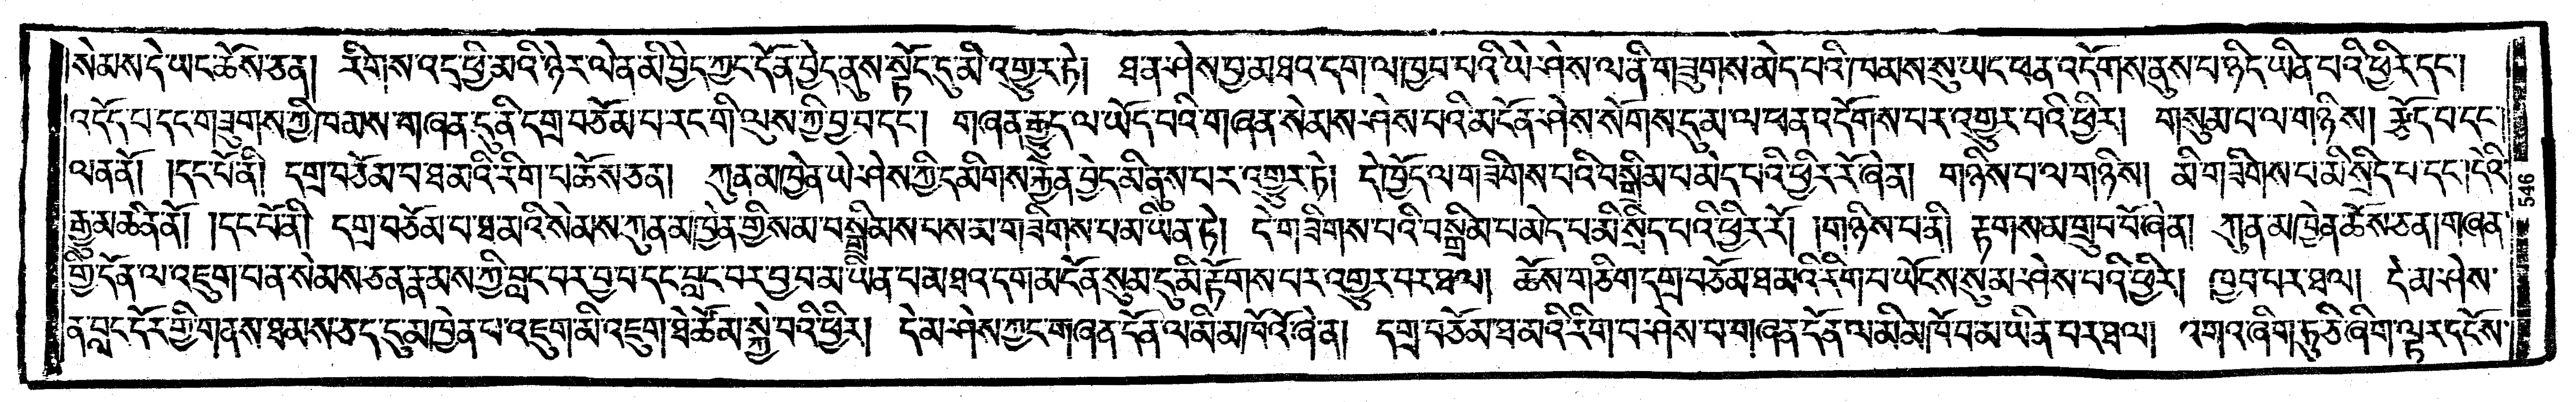སེམས་དེ་ཡང་ཆོས་ཅན། རིགས་འདྲ་ཕྱི་མའི་ཉེར་ལེན་མི་བྱེད་ཀྱང་དོན་བྱེད་ནུས་སྟོང་དུ་མི་འགྱུར་ཏེ། ཐ་ན་ཤེས་བྱ་མཐའ་དག་ལ་ཁྱབ་པའི་ཡེ་ཤེས་ལ་ནི་གཟུགས་མེད་པའི་ཁམས་སུ་ཡང་ཕན་འདོགས་ནུས་པ་ཉིད་ཡིན་པའི་ཕྱིར་དང་།
འདོད་པ་དང་གཟུགས་ཀྱི་ཁམས་གཞན་དུ་ནི་དགྲ་བཅོམ་པ་རང་གི་ལུས་ཀྱི་བྱ་བ་དང་། གཞན་རྒྱུད་ལ་ཡོད་པའི་གཞན་སེམས་ཤེས་པའི་མངོན་ཤེས་སོགས་དུ་མ་ལ་ཕན་འདོགས་པར་འགྱུར་བའི་ཕྱིར། གསུམ་པ་ལ་གཉིས། རྩོད་པ་དང་།
ལན་ནོ། །དང་པོ་ནི། དགྲ་བཅོམ་པ་ཐ་མའི་རིག་པ་ཆོས་ཅན། ཀུན་མཁྱེན་ཡེ་ཤེས་ཀྱི་དམིགས་རྐྱེན་བྱེད་མི་ནུས་པར་འགྱུར་ཏེ། དེ་ཁྱོད་ལ་གཟིགས་པའི་བསྒྲིམ་པ་མེད་པའི་ཕྱིར་རོ་ཞེ་ན། གཉིས་པ་ལ་གཉིས། མི་གཟིགས་པ་མི་སྲིད་པ་དང་། དེའི་
རྒྱུ་མཚན་ནོ། །དང་པོ་ནི། དགྲ་བཅོམ་པ་ཐ་མའི་སེམས་ཀུན་མཁྱེན་གྱིས་མ་བསྒྲིམས་པས་མ་གཟིགས་པ་མ་ཡིན་ཏེ། དེ་གཟིགས་པའི་བསྒྲིམ་པ་མེད་པ་མི་སྲིད་པའི་ཕྱིར་རོ། །གཉིས་པ་ནི། རྟགས་མ་གྲུབ་བོ་ཞེ་ན། ཀུན་མཁྱེན་ཆོས་ཅན། གཞན་
གྱི་དོན་ལ་འཇུག་པ་ན་སེམས་ཅན་རྣམས་ཀྱི་བླང་བར་བྱ་བ་དང་བླང་བར་བྱ་བ་མ་ཡིན་པ་མཐའ་དག་མངོན་སུམ་དུ་མི་རྟོགས་པར་འགྱུར་བར་ཐལ། ཆོས་གཅིག་དགྲ་བཅོམ་ཐ་མའི་རིག་པ་ཡོངས་སུ་མ་ཤེས་པའི་ཕྱིར། ཁྱབ་པར་ཐལ། དེ་མ་ཤེས་
ན་བླང་དོར་གྱི་གནས་ཐམས་ཅད་དུ་མཁྱེན་པ་འཇུག་མི་འཇུག་ཐེ་ཚོམ་སྐྱེ་བའི་ཕྱིར། དེ་མ་ཤེས་ཀྱང་གཞན་དོན་ལ་མི་མཁོའོ་ཞེ་ན། དགྲ་བཅོམ་ཐ་མའི་རིག་པ་ཤེས་པ་གཞན་དོན་ལ་མི་མཁོ་བ་མ་ཡིན་པར་ཐལ། འགའ་ཞིག་ཏུ་ཅི་ཞིག་ལྟར་དངོས་